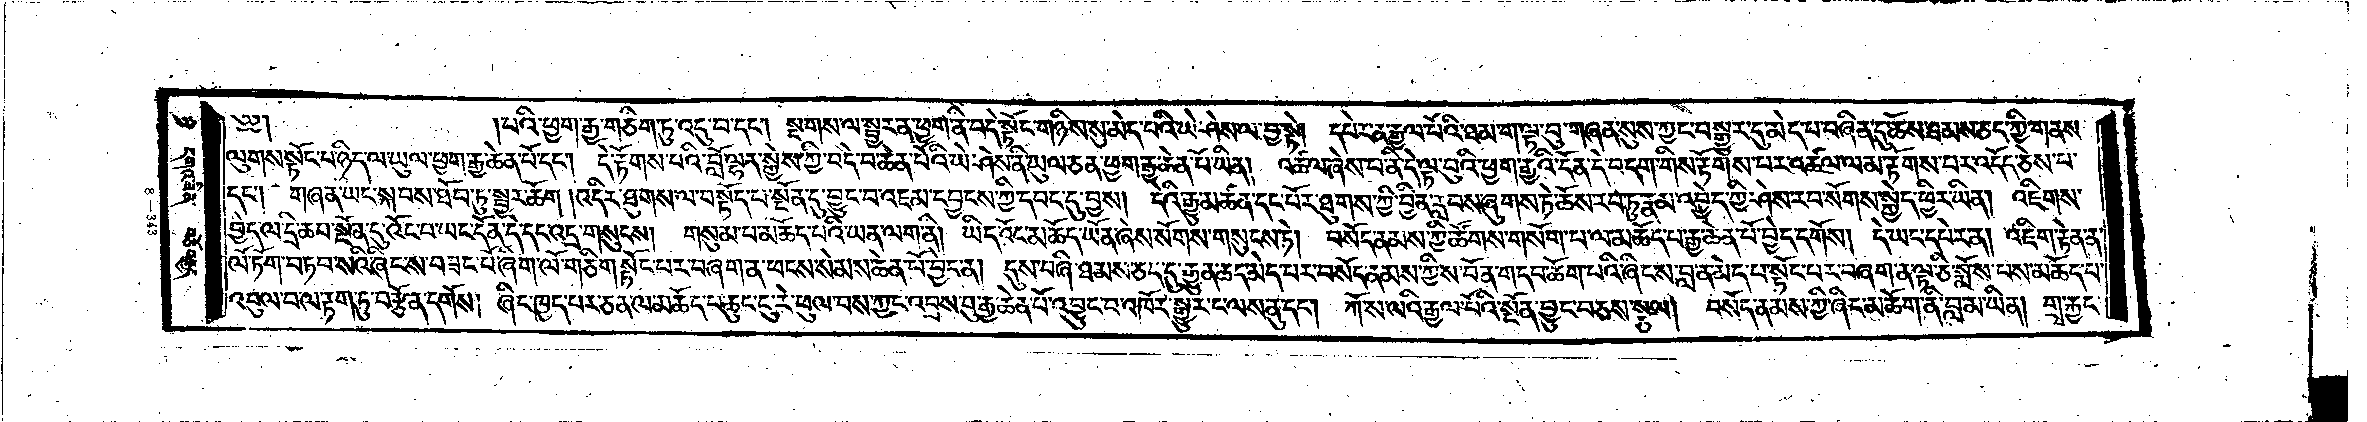༄༅། །པའི་ཕྱག་རྒྱ་གཅིག་ཏུ་འདུ་བ་དང་། སྔགས་ལ་སྦྱར་ན་ཕྱག་ནི་བདེ་སྟོང་གཉིས་སུ་མེད་པའི་ཡེ་ཤེས་ལ་བྱ་སྟེ། དཔེར་ན་རྒྱལ་པོའི་ཐམ་ག་ལྟ་བུ་གཞན་སུས་ཀྱང་བསྒྱུར་དུ་མེད་པ་བཞིན་དུ་ཆོས་ཐམས་ཅད་ཀྱི་གནས་
ལུགས་སྟོང་པ་ཉིད་ལ་ཡུལ་ཕྱག་རྒྱ་ཆེན་པོ་དང་། དེ་རྟོགས་པའི་བློ་ལྷན་སྐྱེས་ཀྱི་བདེ་བ་ཆེན་པོའི་ཡེ་ཤེས་ནི་ཡུལ་ཅན་ཕྱག་རྒྱ་ཆེན་པོ་ཡིན། འཚལ་ཞེས་པ་ནི་དེ་ལྟ་བུའི་ཕྱག་རྒྱའི་དོན་དེ་བདག་གིས་རྟོགས་པར་འཚལ་ལ་མ་རྟོགས་པར་འདོད་ཅེས་པ་
དང་། གཞན་ཡང་སྐབས་ཐོབ་ཏུ་སྦྱར་ཆོག །འདིར་ཐུགས་ལ་བསྟོད་པ་སྔོན་དུ་བྱུང་བ་འཇམ་དབྱངས་ཀྱི་དབང་དུ་བྱས། དེའི་རྒྱུ་མཚན་དང་པོར་ཐུགས་ཀྱི་བྱིན་རླབས་ཞུགས་ཏེ་ཆོས་རབ་ཏུ་རྣམ་འབྱེད་ཀྱི་ཤེས་རབ་སོགས་སྐྱེད་ཕྱིར་ཡིན། འཇིགས་
བྱེད་ལ་དྲི་ཆབ་སྔོན་དུ་འོང་བ་ཡང་དོན་དེ་དང་འདྲ་གསུངས། གསུམ་པ་མཆོད་པའི་ཡན་ལག་ནི། ཡིད་འོང་མཆོད་ཡོན་ཞེས་སོགས་གསུངས་ཏེ། བསོད་ནམས་ཀྱི་ཚོགས་གསོག་པ་ལ་མཆོད་པ་རྒྱ་ཆེན་པོ་བྱེད་དགོས། དེ་ཡང་དཔེར་ན། འཇིག་རྟེན་ན་
ལོ་ཏོག་བཏབ་སའི་ཞིང་ས་བཟང་པོ་ཞིག་ལོ་གཅིག་སྟོང་པར་བཞག་ན་ཕངས་སེམས་ཆེན་པོ་བྱེད་ན། དུས་བཞི་ཐམས་ཅད་དུ་རྒྱུན་ཆད་མེད་པར་བསོད་ནམས་ཀྱི་ས་བོན་གདབ་ཆོག་པའི་ཞིང་ས་བླ་ན་མེད་པ་སྟོང་པར་བཞག་ན་ལྟ་ཅི་སྨོས་པས་མཆོད་པ་
འབུལ་བ་ལ་རྟག་ཏུ་བརྩོན་དགོས། ཞིང་ཁྱད་པར་ཅན་ལ་མཆོད་པ་ཆུང་ངུ་རེ་ཕུལ་བས་ཀྱང་འབྲས་བུ་རྒྱ་ཆེན་པོ་འབྱུང་བ་འཁོར་སྒྱུར་ང་ལས་ནུ་དང་། ཀོ་ས་ལའི་རྒྱལ་པོའི་སྔོན་བྱུང་བཅས་སྩལ། བསོད་ནམས་ཀྱི་ཞིང་མཆོག་ནི་བླ་མ་ཡིན། གྲྭ་རྐྱང་